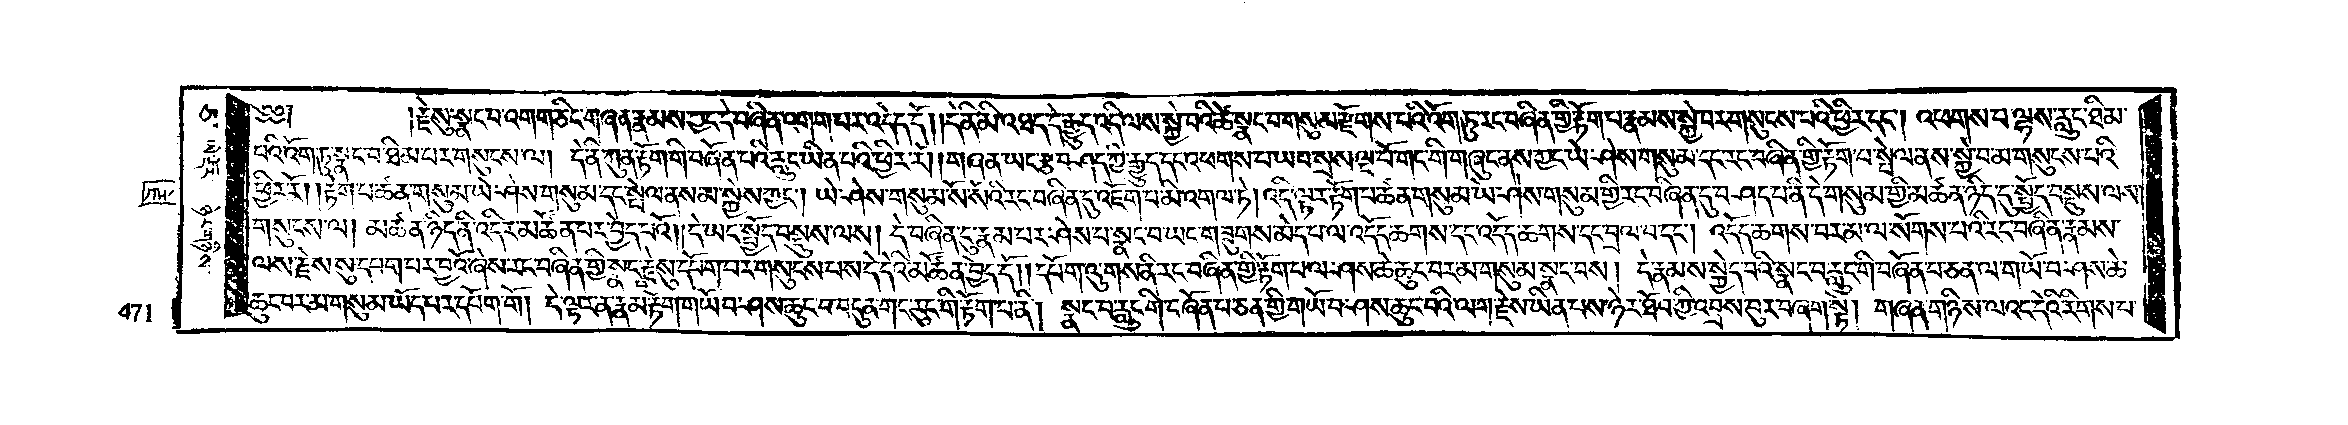༄༅། །རྗེས་སུ་སྣང་བ་འགག་ཅིང་གཞན་རྣམས་ཀྱང་དེ་བཞིན་འགག་པར་འདོད་དོ། །དེ་ནི་མི་འཐད་དེ་རྒྱུད་འདི་ལས་སྐྱེ་བའི་ཚེ་སྣང་བ་གསུམ་རྫོགས་པའི་འོག་ཏུ་རང་བཞིན་གྱི་རྟོག་པ་རྣམས་སྐྱེ་བར་གསུངས་པའི་ཕྱིར་དང་། འཕགས་པ་ལྷས་རླུང་ཐིམ་
པའི་འོག་ཏུ་སྣང་བ་ཐིམ་པར་གསུངས་ལ། དེ་ནི་ཀུན་རྟོག་གི་བཞོན་པའི་རླུང་ཡིན་པའི་ཕྱིར་རོ། །གཞན་ཡང་རྩ་བཤད་ཀྱི་རྒྱུད་དང་འཕགས་པ་ཡབ་སྲས་ལྔ་པོ་གང་གི་གཞུང་ནས་ཀྱང་ཡེ་ཤེས་གསུམ་དང་རང་བཞིན་གྱི་རྟོག་པ་སྤེལ་ནས་སྐྱེ་བ་མ་གསུངས་པའི་
ཕྱིར་རོ། །རྟོག་པ་ཚན་གསུམ་ཡེ་ཤེས་གསུམ་དང་སྤེལ་ནས་མ་སྐྱེས་ཀྱང་། ཡེ་ཤེས་གསུམ་སོ་སོའི་རང་བཞིན་དུ་འཇོག་པ་མི་འགལ་ཏེ། འདི་ལྟར་རྟོག་པ་ཚན་གསུམ་ཡེ་ཤེས་གསུམ་གྱི་རང་བཞིན་དུ་བཤད་པ་ནི་དེ་གསུམ་གྱི་མཚན་ཉིད་དུ་སྤྱོད་བསྡུས་ལས་
གསུངས་ལ། མཚན་ཉིད་ནི་འདིར་མཚོན་པར་བྱེད་པའོ། །དེ་ཡང་སྤྱོད་བསྡུས་ལས། དེ་བཞིན་དུ་རྣམ་པར་ཤེས་པ་སྣང་བ་ཡང་གཟུགས་མེད་པ་ལ་འདོད་ཆགས་དང་འདོད་ཆགས་དང་བྲལ་བ་དང་། འདོད་ཆགས་བར་མ་ལ་སོགས་པའི་རང་བཞིན་རྣམས་
ལས་རྗེས་སུ་དཔག་པར་བྱའོ་ཞེས་རང་བཞིན་གྱི་སྣང་བ་རྗེས་སུ་དཔོག་པར་གསུངས་པས་དེ་དེའི་མཚོན་བྱེད་དོ། །དཔོག་ལུགས་ནི་རང་བཞིན་གྱི་རྟོག་པ་ལ་ཤས་ཆེ་ཆུང་བར་མ་གསུམ་སྣང་བས། དེ་རྣམས་སྐྱེད་པའི་སྣང་བ་རླུང་གི་བཞོན་པ་ཅན་ལ་གཡོ་བ་ཤས་ཆེ་
ཆུང་བར་མ་གསུམ་ཡོད་པར་དཔོག་གོ །དེ་ལྟར་ན་རྣམ་རྟོག་གཡོ་བ་ཤས་ཆུང་བ་བདུན་གང་རུང་གི་རྟོག་པ་ནི། སྣང་བ་རླུང་གི་བཞོན་པ་ཅན་གྱི་གཡོ་བ་ཤས་ཆུང་བའི་ལག་རྗེས་ཡིན་པས་ཉེར་ཐོབ་ཀྱི་འབྲས་བུར་བཞག་སྟེ། གཞན་གཉིས་ལའང་དེའི་རིགས་པ་